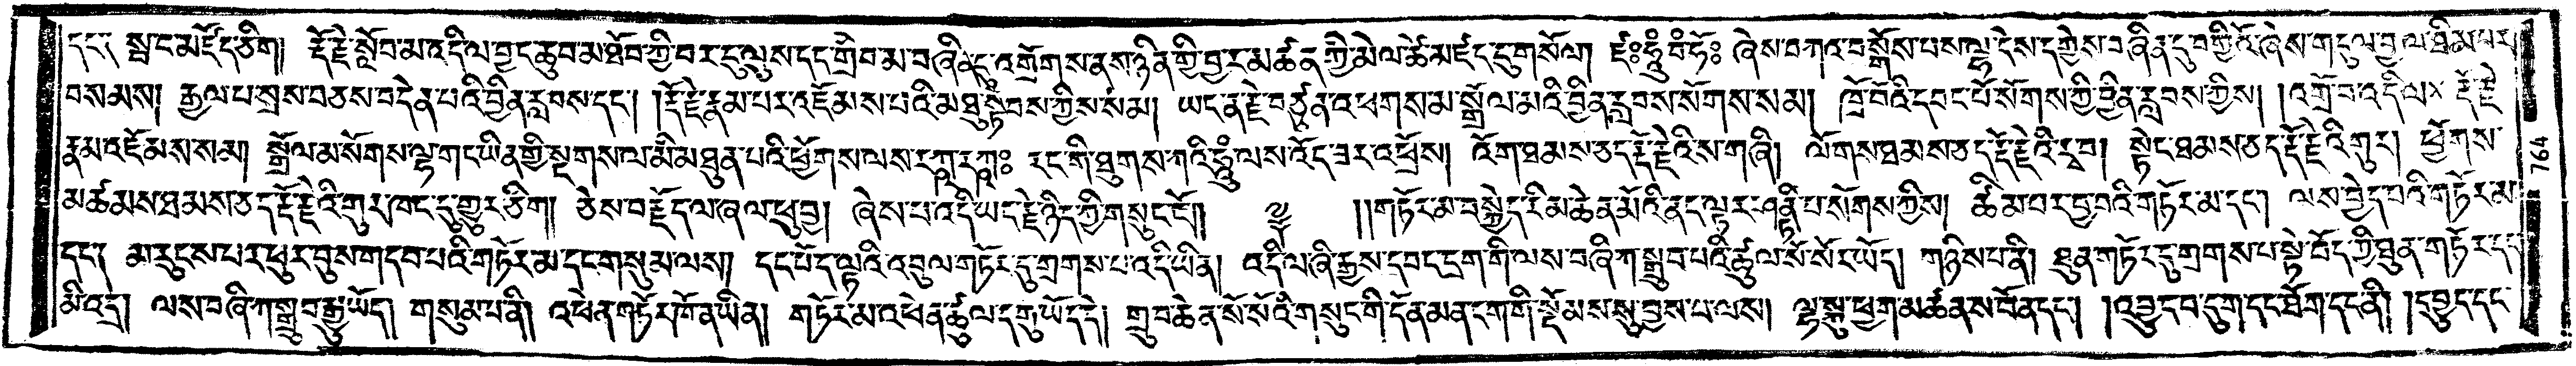དང༑ སྦང་མཛོད་ཅིག། རྡོ་རྗེ་སློབ་མ་འདི་ལ་བྱང་ཆུབ་མཐོབ་ཀྱི་བར་དུ་ལུས་དང་གྲིབ་མ་བཞིན་དུ་འགྲོགས་ནས་ཉིན་གྱི་བྱར་མཚན་གྱི་མེལ་ཚེ་མཛད་དུ་གསོལ། ཛཿ ཧཱུཾ་བཾ་ཧོཿ ཞེས་བཀའ་བསྒོས་པས་ལྷ་དེས་དགྱེས་བཞིན་དུ་བགྱིའོ་ཞེས་གདུལ་བྱ་ལ་ཐིམ་པར་
བསམས། རྒྱལ་པ་སྲས་བཅས་བདེན་པའི་བྱིན་རླབས་དང་། །རྡོ་རྗེ་རྣམ་པར་འཇོམས་པའི་མཐུ་སྟོབས་ཀྱིས་སམ། ཡང་ན་རྗེ་བཙུན་འཕགས་མ་སྒྲོལ་མའི་བྱིན་རླབས་སོགས་སམ། ཁྲོ་བོའི་དབང་པོ་སོགས་ཀྱི་བྱིན་རླབས་ཀྱིས། །འགྲོ་བ་འདི་ལ་རྡོ་རྗེ་
རྣམ་འཇོམས་སམ། སྒྲོལ་མ་སོགས་ལྷ་གང་ཡིན་གྱི་སྔགས་ལ་མི་མཐུན་པའི་ཕྱོགས་ལས་རཀྵ་རཀྵཿ རང་གི་ཐུགས་ཀའི་ཧཱུཾ་ལས་འོད་ཟར་འཕྲོས། འོག་ཐམས་ཅད་རྡོ་རྗེའི་ས་གཞི། ལོགས་ཐམས་ཅད་རྡོ་རྗེའི་རྭ་བ། སྟེང་ཐམས་ཅད་རྡོ་རྗེའི་གུར། ཕྱོགས་
མཚམས་ཐམས་ཅད་རྡོ་རྗེའི་གུར་ཁང་དུ་གྱུར་ཅིག། ཅེས་བརྗོད་ལ་ཞལ་ཕུ་བྱ། ཞེས་པ་འདི་ཡང་རྗེ་ཉིད་ཀྱི་གསུང་ངོ།། ༈།།གཏོར་མ་བསྐྱེད་རིམ་ཆེན་མོའི་ནང་ལྟར་ཤནྟི་པ་སོགས་ཀྱིས། ཚིམ་པར་བྱ་བའི་གཏོར་མ་དང་། ལས་བྱེད་པའི་གཏོར་མ་
དང་། མ་རུངས་པར་ཕུར་བུས་གདབ་པའི་གཏོར་མ་དང་གསུམ་ལས། དང་པོ་ད་ལྟའི་འབུལ་གཏོར་དུ་གྲགས་པ་འདི་ཡིན། འདི་ལ་ཞི་རྒྱས་དབང་དྲག་གི་ལས་བཞི་ཀ་སྒྲུབ་པའི་ཚུལ་སོ་སོར་ཡོད། གཉིས་པ་ནི། ཐུན་གཏོར་དུ་གྲགས་པ་སྟེ་བོད་ཀྱི་ཐུན་གཏོར་དང་
མི་འདྲ། ལས་བཞི་ཀ་སྒྲུབ་རྒྱུ་ཡོད། གསུམ་པ་ནི། འཕེན་གཏོར་ཁོ་ན་ཡིན། གཏོར་མ་འཕེན་ཚུལ་དགུ་ཡོད་དེ། གྲུབ་ཆེན་སོ་སོའི་གསུང་གི་དོན་མན་ངག་གི་སྡོམས་སུ་བྱས་པ་ལས། ལྷ་སྐུ་ཕྱག་མཚན་ས་བོན་དང་། །འབྱུང་བ་དུག་དང་ཐོག་དང་ནི། །དབྱུང་དང་